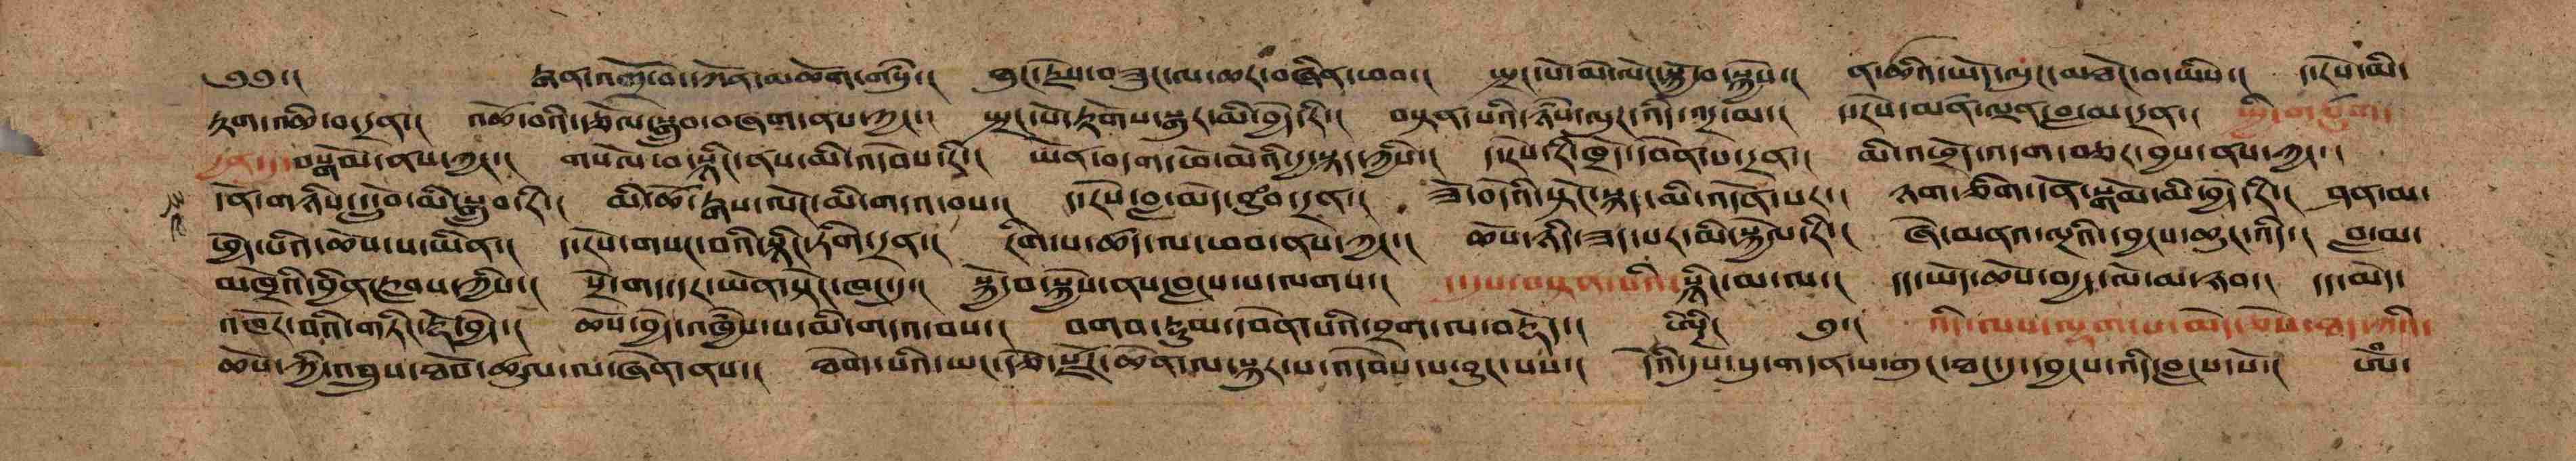རྒན་འགྲོ་བ་དཀོན་མཆོག་གསུམ།། ཐུགས་རྗེས་བཟུང་ལ་ཆར་བཞིན་ཕབ།། སྤྲང་པོ་མེ་ལོང་སྐྱོ་བ་སྐྱེས།། ན་ཚའི་ཡོད་ལུགས་མཐོང་བ་ཡིས།། ད་རེས་མི་
རྟག་འཆི་བ་དྲན།། འཚོ་བའི་རྩོལ་སྒྲུབ་བཞག་ནས་ཀྱང་།། སྤྲང་པོ་ལྟོགས་སྒུར་མི་བྱེད་རི།། བསྟན་པའི་ཉམས་ལུགས་འདི་འདྲ་མ།། ད་རེད་མཚན་ལྡན་བླ་མ་དྲན།། སྤྱི་གཙུག་
རྒྱན་དུ་བསྒོམ་ནས་ཀྱང་།། གསོལ་བ་སྙིང་ནས་མི་འདེབས་རི།། ཡོན་བདག་ཕོ་མོའི་རྒྱ་སྐད་ཀྱིས།། ད་རེས་རི་ཁྲོད་དབེན་པ་དྲན།། མི་འཕྲོད་འདག་བཅར་བྱས་ནས་ཀྱང་།། 
དོན་གཉིས་དངོས་གྲུབ་མི་སྒྲུབ་རི།། མི་ཚེ་རྒས་ལོང་མི་གདའ་བས།། ད་རེས་བླ་མེད་བྱང་ཆུབ་དྲན།། ཟོ་བདེའི་སྟོང་སྐད་མི་འདོན་པར།། ཉག་ཅིག་དོན་སྒོམ་མི་བྱེད་རི།། ཤན་མ་
ཕྱེད་པའི་ཆོས་པ་ཡིན།། ད་རེས་གསང་བའི་སྙིང་ཏིག་དྲན།། རིག་པ་ཚད་ལ་ཕབ་ནས་ཀྱང་།། ཆོས་ཉིད་ཟད་སར་མི་སྐྱེལ་རི།། ཞེ་མནའ་ལྔའི་དབྱངས་ཆུང་འདི།། བླ་མ་
མཁའ་འགྲོའི་བྱིན་རླབས་ཀྱིས།། སྲོ་གད་དར་ཡོན་སྟེང་ཁང་དུ།། སྐྱོ་བ་སྐྱེས་ནས་བླངས་པ་ལགས།། ད་དུས་བསྟན་པའི་སྙིགས་མ་ལ།། དད་ཡོད་ཆོས་བརྒྱད་ལོ་མ་ཉབ།། དད་མེད་
འཁོར་བའི་གཏིང་རྡོ་བྱེད།། ཆོས་བྱེད་འཁྱམས་པ་མི་གདའ་བས།། འགབ་རྡུམ་དབེན་པའི་བྲག་ལ་བསྡོད།། ཨིཊི།། བུ་འདི་ལས་ལྷག་པ་མེད་ཅེས་ཐད་ཀའི་
ཆོས་ཀྱི་འབྲས་བུ་ཐོབ་ཚུལ་ལ་ཞེན་ནས།། ཐེག་པའི་ཡང་རྩེ་རྫོགས་ཆེན་ལ་སྐུར་པ་འདེབས་པ་བྱུང་པས།། དེའི་དུས་སུ་གདན་ས་གུང་ཐང་དུ་དབྱངས་འདི་བླངས་སོ།། ཨོཾ་